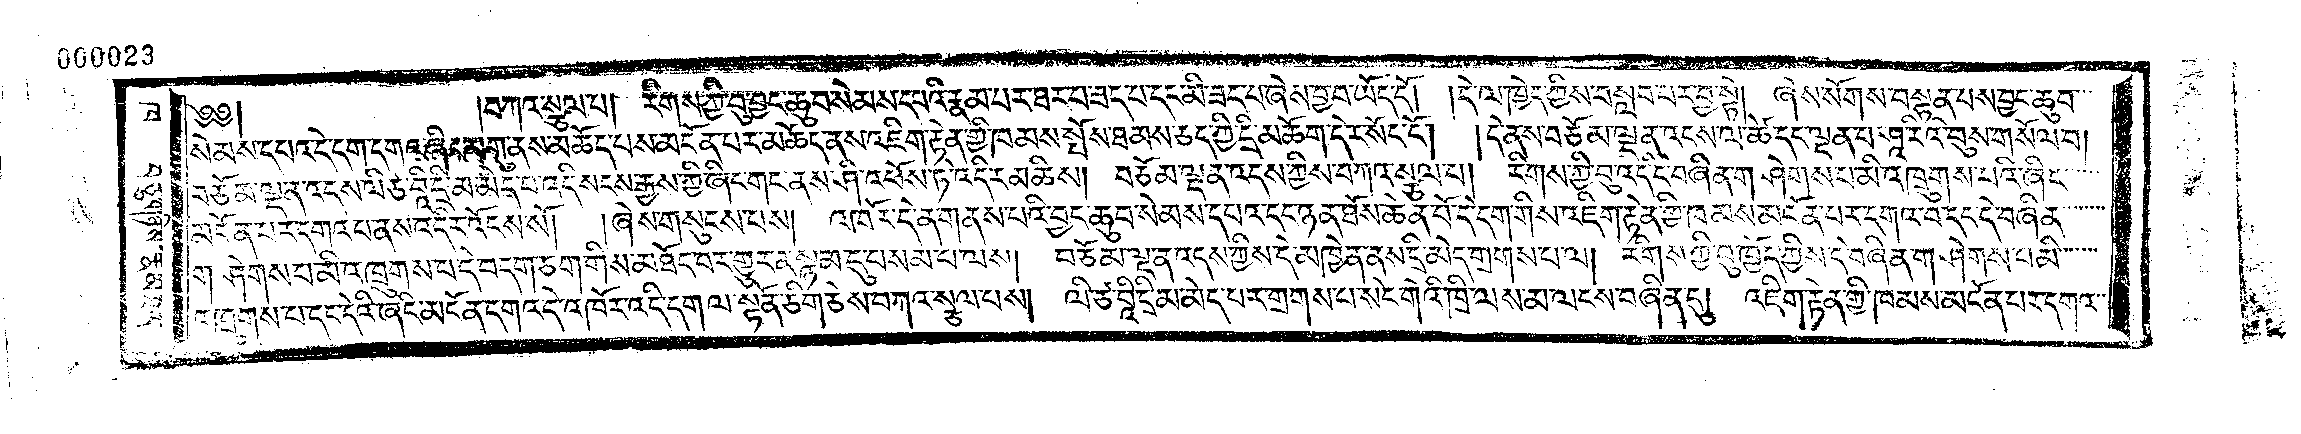༄༅། །བཀའ་སྩལ་པ། རིགས་ཀྱི་བུ་བྱང་ཆུབ་སེམས་དཔའི་རྣམ་པར་ཐར་བ་ཟད་པ་དང་མི་ཟད་པ་ཞེས་བྱ་བ་ཡོད་དོ། །དེ་ལ་ཁྱེད་ཀྱིས་བསླབ་པར་བྱ་སྟེ། ཞེས་སོགས་བསྟན་པས་བྱང་ཆུབ་
སེམས་དཔའ་དེ་དག་དགའ་ཞིང་མགུ་ནས་མཆོད་པས་མངོན་པར་མཆོད་ནས་འཇིག་རྟེན་གྱི་ཁམས་སྤོས་ཐམས་ཅད་ཀྱི་དྲི་མཆོག་དེར་སོང་ངོ། །དེ་ནས་བཅོམ་ལྡན་འདས་ལ་ཚེ་དང་ལྡན་པ་ཤཱ་རིའི་བུས་གསོལ་བ།
བཅོམ་ལྡན་འདས་ལི་ཙ་བཱི་དྲི་མ་མེད་པ་འདི་སངས་རྒྱས་ཀྱི་ཞིང་གང་ནས་ཤི་འཕོས་ཏེ་འདིར་མཆིས། བཅོམ་ལྡན་འདས་ཀྱིས་བཀའ་སྩལ་པ། རིགས་ཀྱི་བུ་འདི་དེ་བཞིན་གཤེགས་པ་མི་འཁྲུགས་པའི་ཞིང་
མངོན་པར་དགའ་བ་ནས་འདིར་འོངས་སོ། །ཞེས་གསུངས་པས། འཁོར་དེ་ན་གནས་པའི་བྱང་ཆུབ་སེམས་དཔའ་དང་ཉན་ཐོས་ཆེན་པོ་དེ་དག་གིས་འཇིག་རྟེན་གྱི་ཁམས་མངོན་པར་དགའ་བ་དང་དེ་བཞིན་
གཤེགས་པ་མི་འཁྲུགས་པ་དེ་བདག་ཅག་གིས་མཐོང་བར་གྱུར་ན་སྙམ་དུ་བསམ་པ་ལས། བཅོམ་ལྡན་འདས་ཀྱིས་དེ་མཁྱེན་ནས་དྲི་མེད་གྲགས་པ་ལ། རིགས་ཀྱི་བུ་ཁྱོད་ཀྱིས་དེ་བཞིན་གཤེགས་པ་མི་
འཁྲུགས་པ་དང་དེའི་ཞིང་མངོན་དགའ་དེ་འཁོར་འདི་དག་ལ་སྟོན་ཅིག་ཅེས་བཀའ་སྩལ་པས། ལི་ཙ་བཱི་དྲི་མ་མེད་པར་གྲགས་པ་སེང་གེའི་ཁྲི་ལས་མ་ལངས་བཞིན་དུ། འཇིག་རྟེན་གྱི་ཁམས་མངོན་པར་དགའ་